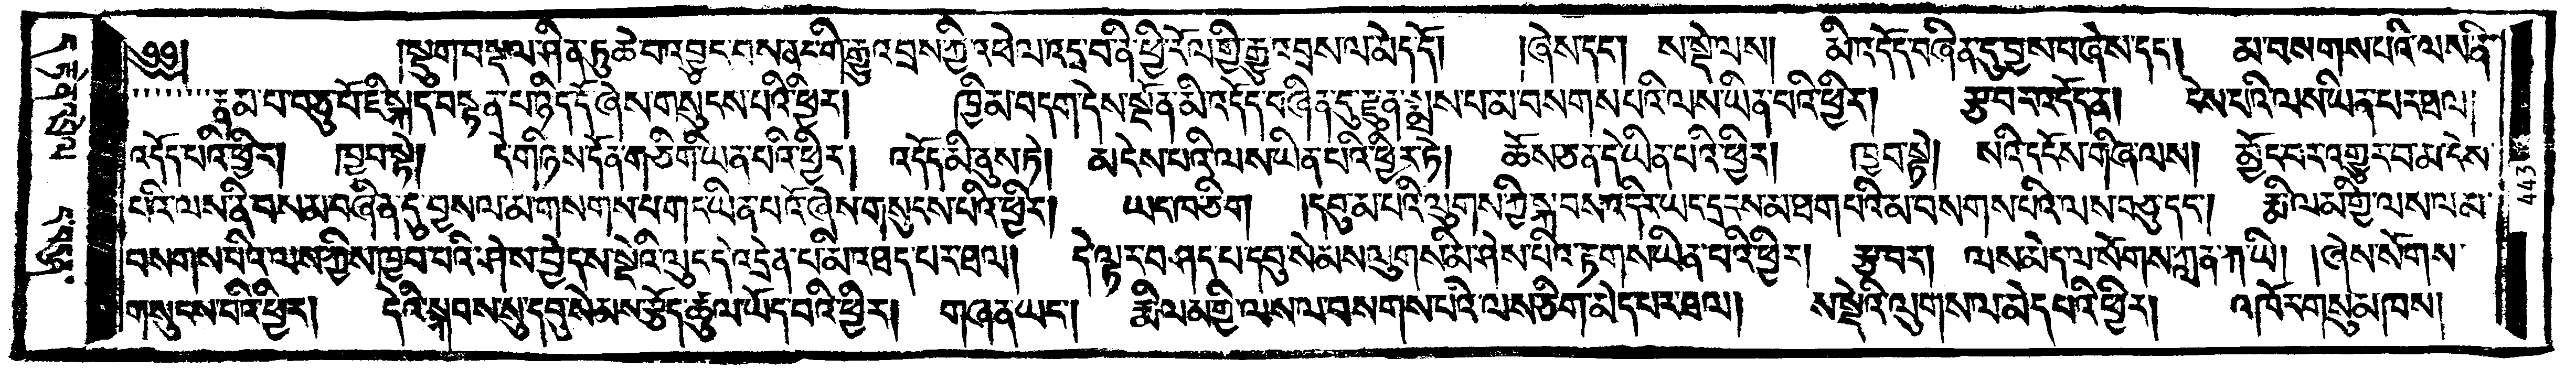༄༅། །སྡུག་བསྔལ་ཤིན་ཏུ་ཆེ་བ་འབྱུང་བས་ནང་གི་རྒྱུ་འབྲས་ཀྱི་འཕེལ་འདྲ་བ་ནི་ཕྱི་རོལ་གྱི་རྒྱུ་འབྲས་ལ་མེད་དོ། །ཞེས་དང་། ས་སྡེ་ལས། མི་འདོད་བཞིན་དུ་བྱས་པ་ཞེས་དང་། མ་བསགས་པའི་ལས་ནི་
རྣམ་པ་བཅུ་པོ་ཇི་སྐད་བསྟན་པ་ཉིད་དོ་ཞེས་གསུངས་པའི་ཕྱིར། ཁྱིམ་བདག་དེས་སྔོན་མི་འདོད་བཞིན་དུ་རྫུན་སྨྲས་པ་མ་བསགས་པའི་ལས་ཡིན་པའི་ཕྱིར། རྩ་བར་འདོད་ན། ངེས་པའི་ལས་ཡིན་པར་ཐལ།
འདོད་པའི་ཕྱིར། ཁྱབ་སྟེ། དེ་གཉིས་དོན་གཅིག་ཡིན་པའི་ཕྱིར། འདོད་མི་ནུས་ཏེ། མ་ངེས་པའི་ལས་ཡིན་པའི་ཕྱིར་ཏེ། ཆོས་ཅན་དེ་ཡིན་པའི་ཕྱིར། ཁྱབ་སྟེ། སའི་དངོས་གཞི་ལས། མྱོང་བར་འགྱུར་བ་མ་ངེས་
པའི་ལས་ནི་བསམ་བཞིན་དུ་བྱས་ལ་མ་གསགས་པ་གང་ཡིན་པའོ་ཞེས་གསུངས་པའི་ཕྱིར། ཡང་ཁ་ཅིག །དབུ་མ་པའི་ལུགས་ཀྱི་སྐབས་འདིར་ཡང་དྲངས་མ་ཐག་པའི་མ་བསགས་པའི་ལས་བཅུ་དང་། རྨི་ལམ་གྱི་ལས་ལམ་
བསགས་པའི་ལས་ཀྱིས་ཁྱབ་པའི་ཤེས་བྱེད་ས་སྡེའི་ལུང་དེ་འདྲེན་པ་མི་འཐད་པར་ཐལ། དེ་ལྟར་བཤད་པ་དབུ་སེམས་ལུགས་མི་ཤེས་པའི་རྟགས་ཡིན་པའི་ཕྱིར། རྩ་བར། ལས་མེད་ལ་སོགས་ཀླན་ཀ་ཡི། །ཞེས་སོགས་
གསུངས་པའི་ཕྱིར། དེའི་སྐབས་སུ་དབུ་སེམས་རྩོད་ཚུལ་ཡོད་པའི་ཕྱིར། གཞན་ཡང་། རྨི་ལམ་གྱི་ལས་ལ་བསགས་པའི་ལས་ཅིག་མེད་པར་ཐལ། ས་སྡེའི་ལུགས་ལ་མེད་པའི་ཕྱིར། འཁོར་གསུམ་ཁས།